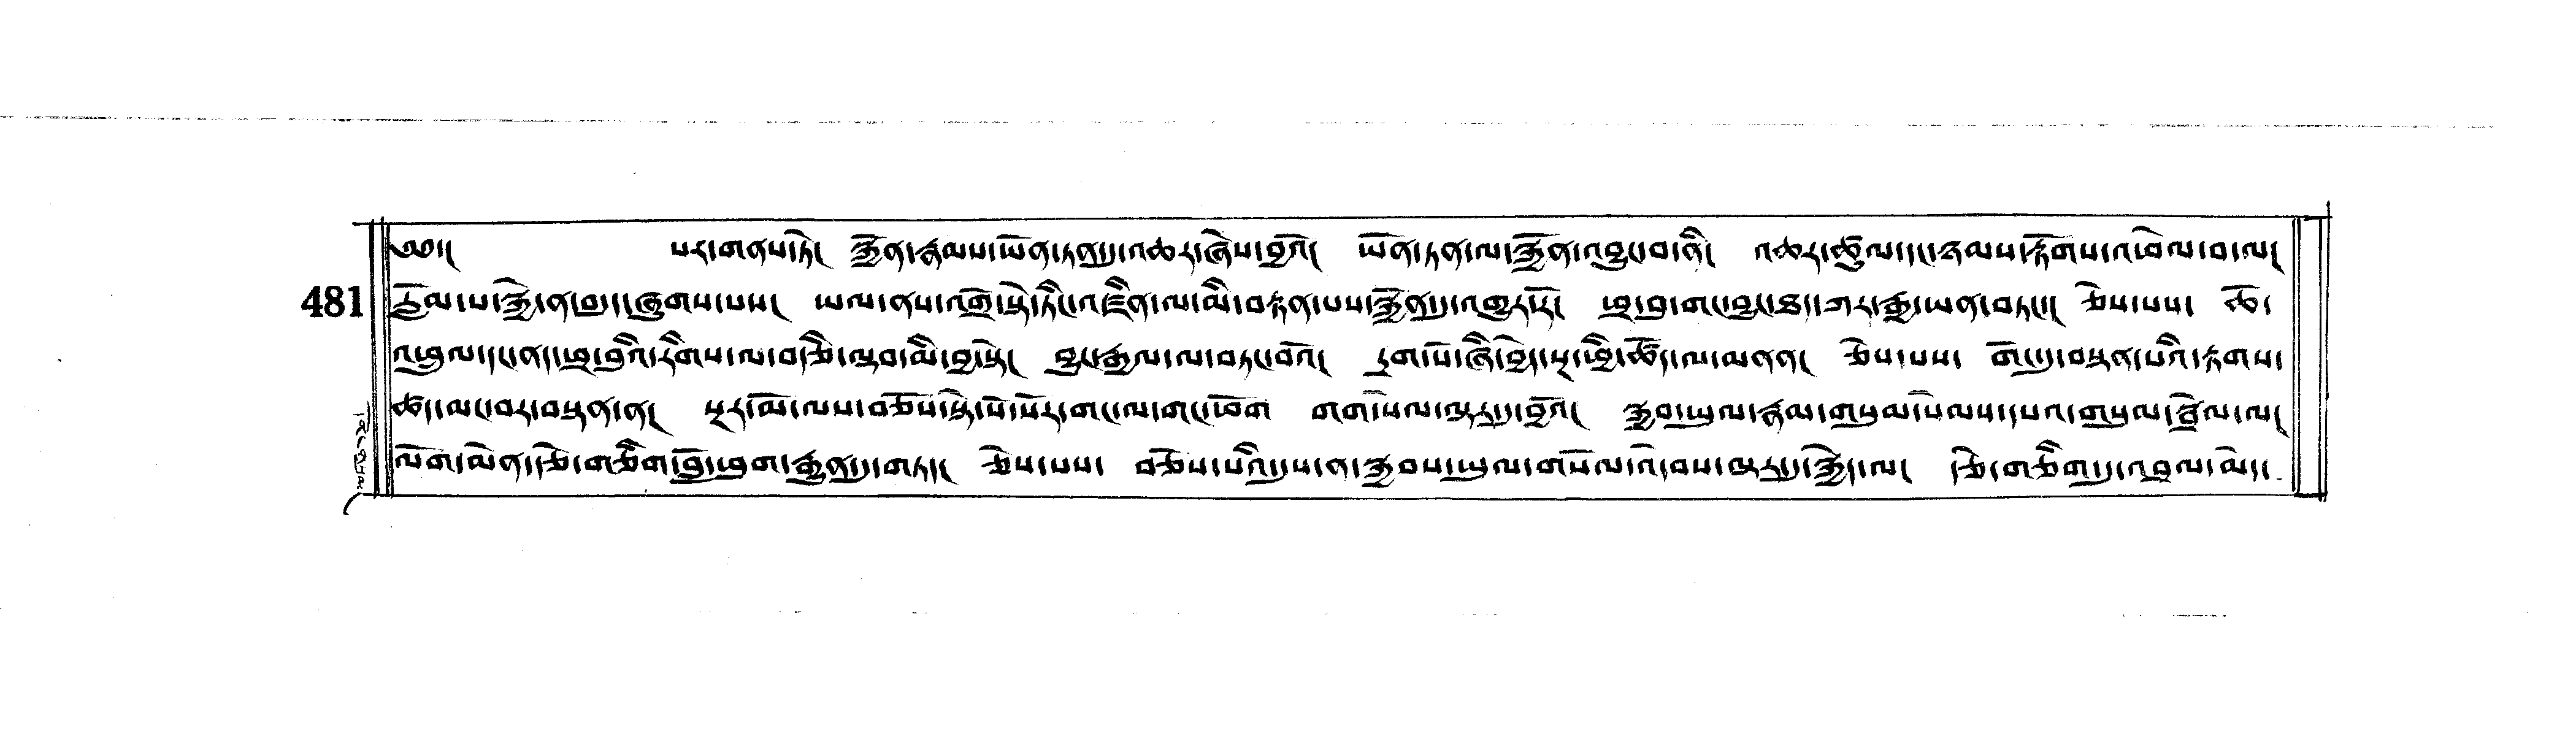པར་གནས་ཏེ། སྐྱོན་རྣམས་ཡོན་ཏན་དུ་འཆར་ཞེས་བྱའོ། ཡོན་ཏན་ལ་སྐྱོན་འབྱུང་བ་ནི། འཆར་ཚུལ་དང་ཉམས་རྟོགས་འཕེལ་བ་ལ། 
རློམ་པ་སྐྱེ་ན་བདུད་ཞུགས་པས། ཡལ་ནས་འགྲོ་སྟེ་ཏིང་འཛིན་ལ་མི་བརྟན་པས་སྐྱོན་དུ་འགྱུར་རོ། ཕྲ་བུ་གང་བྱུང་ཐད་ཀར་རྒྱ་ཡན་བཏང་། ཅེས་པས། ཆོ་
འཕྲུལ་དང་ནད་ཕྲ་བུའི་རིགས་ལ་རྩིས་ལྡབ་མི་བྱ་སྟེ། བྱུང་རྒྱལ་ལ་བཏང་བའོ། དྲག་པོ་ཞི་བྱེད་སྔ་ཕྱི་ཚོད་ལ་མནན། ཅེས་པས། གོང་དུ་བསྟན་པའི་རྟགས་
ཚད་མང་བར་བསྟན་ན། སྔར་མོ་ལས་བཅོས་ཏེ་སོ་སོར་གང་ལ་གང་ཕོག་གག་སེལ་ལྟར་དུ་བྱའོ། སྐྱབས་ཡུལ་རྣམ་གསུམ་སེམས་དཔའ་གསུམ་སྦྲེལ་ལ། 
ལོག་མེན་རྩེ་གཅིག་བློ་ཕུག་རྒྱུན་དུ་གཏད། ཅེས་པས། བཅོས་པའི་དུས་ན་སྐྱབས་ཡུལ་གསོལ་འདེབས་ལྟར་དུ་བསྐྱེད་ལ། རྩེ་གཅིག་འདུ་འབྲལ་མེད་